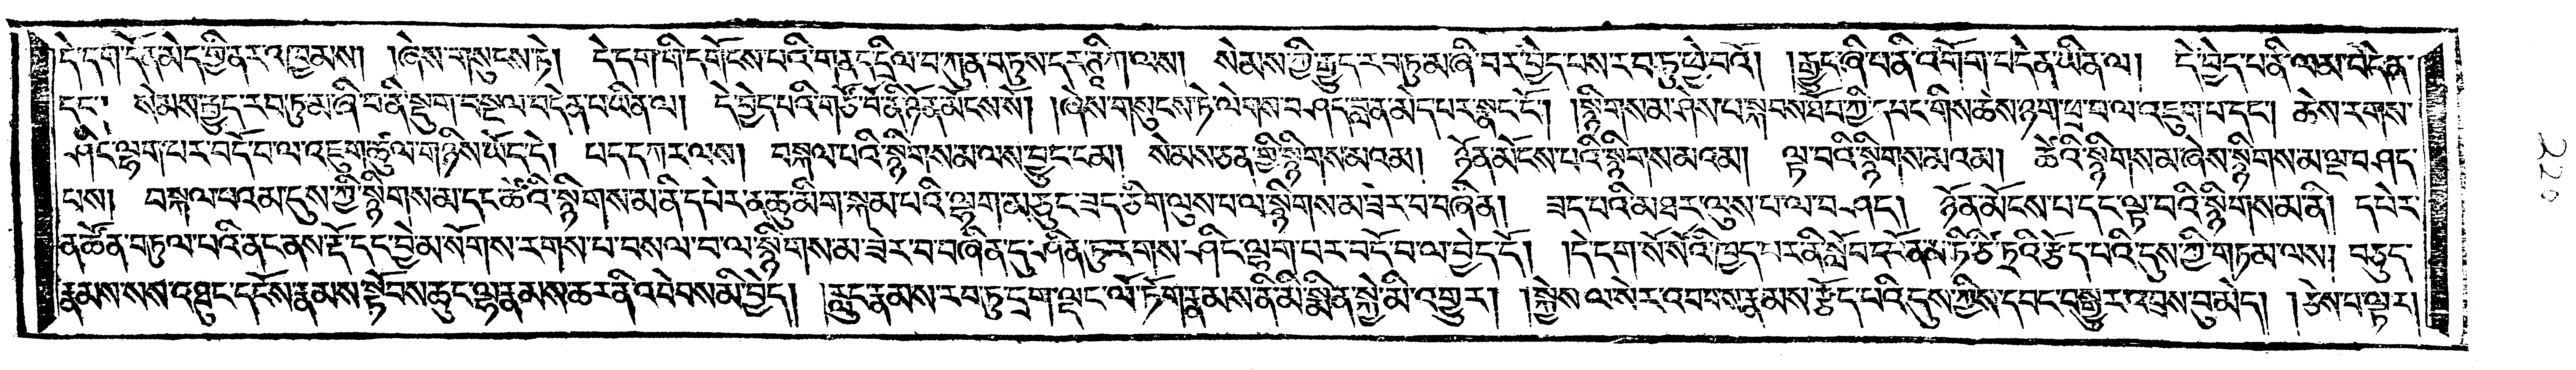དེ་དག་དོན་མེད་གྱི་ནར་འཁྱམས། །ཞེས་གསུངས་ཏེ། དེ་དག་གི་དགོངས་པའི་གནད་དྲིལ་བ་ཀུན་བཏུས་དང་ཊཱིཀ་ལས། སེམས་ཀྱི་རྒྱུད་རབ་ཏུ་མ་ཞི་བར་བྱེད་པས་རབ་ཏུ་ཕྱེ་བའོ། །རྒྱུད་ཞི་པ་ནི་འགོག་བདེན་ཡིན་ལ། དེ་བྱེད་པ་ནི་ལམ་བདེན་
དང་། སེམས་རྒྱུད་རབ་ཏུ་མ་ཞི་བ་ནི་སྡུག་བསྔལ་བདེན་བ་ཡིན་ལ། དེ་བྱེད་པའི་གཙོ་བོ་ནི་ཉོན་མོངས་སོ། །ཞེས་གསུངས་ཏེ་ལོགས་བཤད་བླ་ན་མེད་པར་སྣང་ངོ། །སྙིགས་མ་ཤེས་པ་སྐབས་ཐོབ་ཀྱི་དབང་གིས་ཆེས་ཉག་ཕྲ་བ་ལ་འཇུག་པ་དང་། ཆེས་རགས་
ཤིང་ལྷག་པར་བདོ་བ་ལ་འཇུག་ཚུལ་གཉིས་ཡོད་དེ། པད་དཀར་ལས། བསྐལ་པའི་སྙིགས་མ་ལས་བྱུང་ངམ། སེམས་ཅན་གྱི་སྙིགས་མའམ། ཉོན་མོངས་པའི་སྙིགས་མའམ། ལྟ་བའི་སྙིགས་མའམ། ཚེའི་སྙིགས་མ་ཞེས་སྙིགས་མ་ལྔ་བཤད་
པས། བསྐལ་པའམ་དུས་ཀྱི་སྙིགས་མ་དང་ཚོའི་སྙིགས་མ་ནི་དཔེར་ན་ཆུ་མིག་སྐམ་པའི་ལྷག་མ་ཅུང་ཟད་ཅིག་ལུས་པ་ལ་སྙིགས་མ་ཟེར་བ་བཞིན། ཟད་བའི་མཐར་ལུས་པ་ལ་བཤད། ཉོན་མོངས་པ་དང་ལྟ་བའི་སྙིགས་མ་ནི། དཔེར་
ན་ཚོན་བཏུལ་བའི་ནང་ནས་རྡོ་དང་བྱེ་མ་སོགས་རགས་པ་བསལ་བ་ལ་སྙིགས་མ་ཟེར་བ་བཞིན་དུ་ཤིན་ཏུ་རགས་ཤིང་ལྷག་པར་བདོ་བ་ལ་བྱེད་དོ། །དེ་དག་སོ་སོའི་ཁྱད་པར་ནི་སློབ་དཔོན་མ་ཏི་ཙི་ཏྲའི་རྩོད་པའི་དུས་ཀྱི་གཏམ་ལས། བཅུད་
རྣམས་སས་འཐུང་དངོས་རྣམས་སྟོབས་ཆུང་ལྷ་རྣམས་ཆར་ནི་འབེབས་མི་བྱེད། །རླུང་རྣམས་རབ་ཏུ་དྲག་ལྡང་ལོ་ཏོག་རྣམས་ནི་མི་སྨིན་སྐྱེ་མི་འགྱུར། །སྐྱེས་ལ་སེར་འབབས་རྣམས་རྩོད་པའི་དུས་ཀྱིས་དབང་བསྒྱུར་འབྲས་བུ་མེད། །ཅེས་པ་ལྟར་